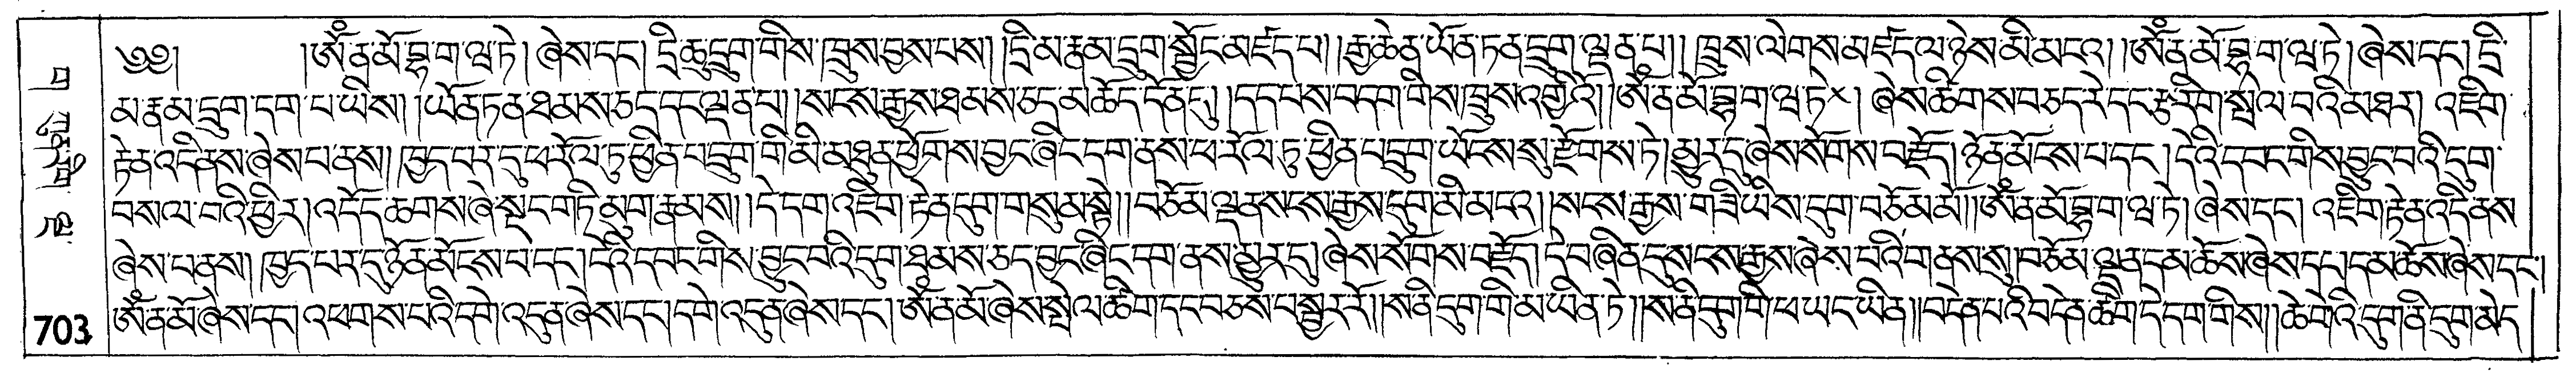༄༅། །ཨོཾ་ན་མོ་བྷ་ག་ཝ་ཏེ། ཞེས་དང་། དྲི་ཆུ་དྲུག་གིས་ཁྲུས་བྱས་པས། །དྲི་མ་རྣམ་དྲུག་སྦྱོང་མཛད་པ། །རྒྱ་ཆེན་ཡོན་ཏན་དྲུག་ལྡན་པ། །ཁྲུས་ལེགས་མཛད་ལ་ཉེས་མི་མངའ། །ཨོཾ་ན་མོ་བྷ་ག་ཝ་ཏེ། ཞེས་དང་། དྲི་
མ་རྣམ་དྲུག་དག་པ་ཡིས། །ཡོན་ཏན་ཐམས་ཅད་དང་ལྡན་པ། །སངས་རྒྱས་ཐམས་ཅད་མཆོད་དོན་དུ། །དད་པས་བདག་གིས་ཁྲུས་འགྱིའོ། །ཨོཾ་ན་མོ་བྷ་ག་ཝ་ཏེ་྾། ཞེས་ཚིགས་བཅད་རེ་དང་རྩ་རིག་སྤེལ་བའི་མཐར། འཇིག་
རྟེན་འདི་ནས་ཞེས་པ་ནས། ཁྱད་པར་དུ་ཕ་རོལ་ཏུ་ཕྱིན་པ་དྲུག་གི་མི་མཐུན་ཕྱོགས་བྱང་ཞིང་དག་ནས་ཕ་རོལ་ཏུ་ཕྱིན་པ་དྲུག་ཡོངས་སུ་རྫོགས་ཏེ། མྱུར་དུ་ཞེས་སོགས་བརྗོད། ཉོན་མོངས་པ་དང་། དེའི་དབང་གིས་བྱུང་བའི་དུག་
བསལ་བའི་ཕྱིར། འདོད་ཆགས་ཞེ་སྡང་གཏི་མུག་རྣམས། །དེ་དག་འཇིག་རྟེན་དུག་གསུམ་སྟེ། །བཅོམ་ལྡན་སངས་རྒྱས་དུག་མི་མངའ། །སངས་རྒྱས་གཟི་ཡིས་དུག་བཅོམ་མོ། །ཨོཾ་ན་མོ་བྷ་ག་ཝ་ཏེ། ཞེས་དང་། འཇིག་རྟེན་འདི་ནས་
ཞེས་པ་ནས། ཁྱད་པར་དུ་ཉོན་མོངས་པ་དང་། དེའི་དབང་གིས་བྱུང་བའི་དུག་ཐམས་ཅད་བྱང་ཞིང་དག་ནས་མྱུར་དུ། ཞེས་སོགས་བརྗོད། དེ་བཞིན་དུ་སངས་རྒྱས་ཞེས་པའི་གནས་སུ། བཅོམ་ལྡན་དམ་ཆོས་ཞེས་དང་། དམ་ཆོས་ཞེས་དང་།
ཨོཾ་ན་མོ་ཞེས་དང་། འཕགས་པའི་དགེ་འདུན་ཞེས་དང་། དགེ་འདུན་ཞེས་དང་། ཨོཾ་ན་མོ་ཞེས་སྤེལ་ཚིག་དང་བཅས་པ་སྦྱར་རོ། །ས་ནི་དུག་གི་མ་ཡིན་ཏེ། །ས་ནི་དུག་གི་ཕ་ཡང་ཡིན། །བདེན་པའི་བདེན་ཚིག་དེ་དག་གིས། །ཆེ་གེའི་དུག་ནི་དུག་མེད་